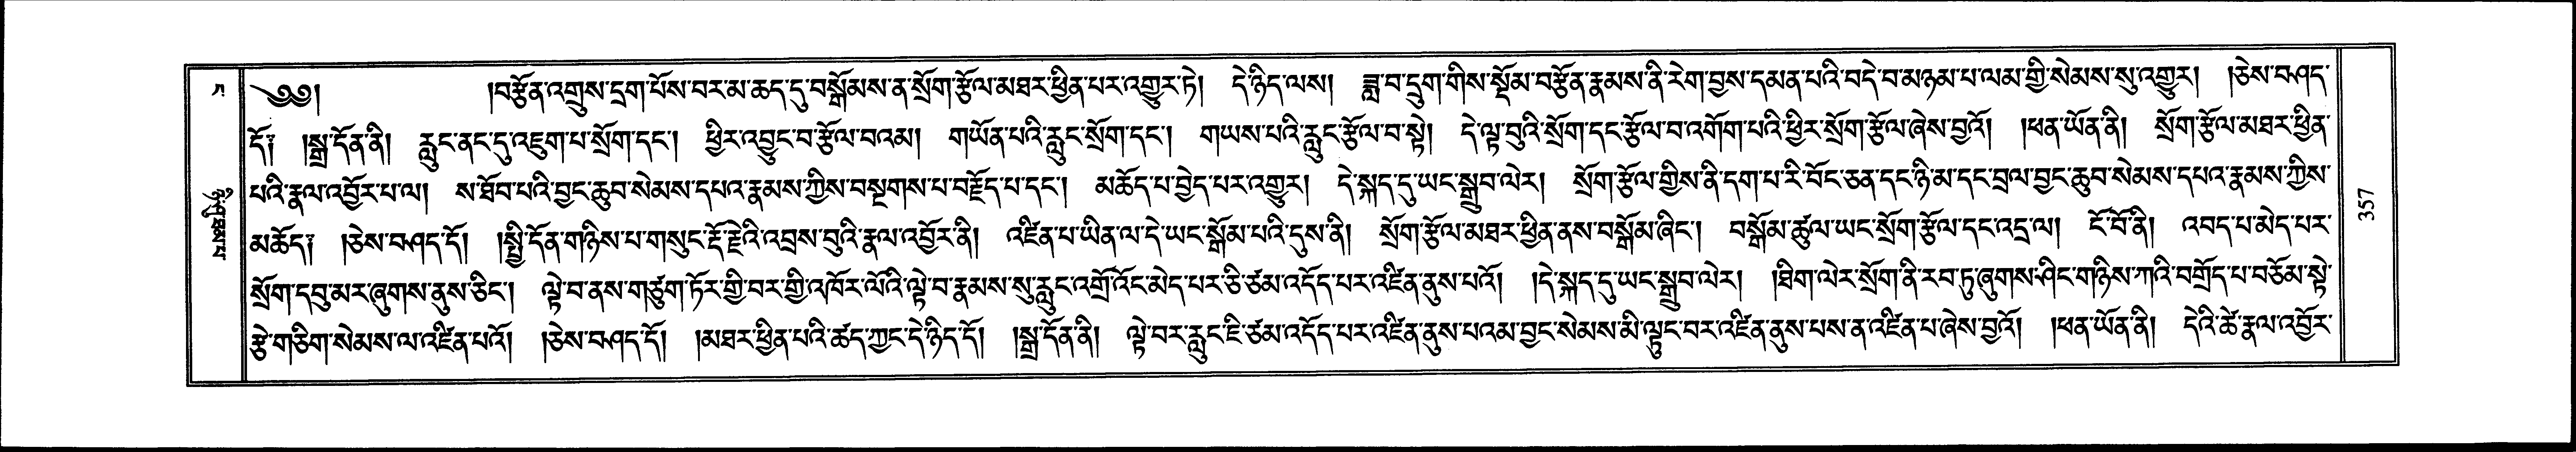༄༅། །བརྩོན་འགྲུས་དྲག་པོས་བར་མ་ཆད་དུ་བསྒོམས་ན་སྲོག་རྩོལ་མཐར་ཕྱིན་པར་འགྱུར་ཏེ། དེ་ཉིད་ལས། ཟླ་བ་དྲུག་གིས་སྡོམ་བརྩོན་རྣམས་ནི་རེག་བྱས་དམན་པའི་བདེ་བ་མཉམ་པ་ལམ་གྱི་སེམས་སུ་འགྱུར། །ཅེས་བཤད་
དོ། །སྒྲ་དོན་ནི། རླུང་ནང་དུ་འཇུག་པ་སྲོག་དང་། ཕྱིར་འབྱུང་བ་རྩོལ་བའམ། གཡོན་པའི་རླུང་སྲོག་དང་། གཡས་པའི་རླུང་རྩོལ་བ་སྟེ། དེ་ལྟ་བུའི་སྲོག་དང་རྩོལ་བ་འགོག་པའི་ཕྱིར་སྲོག་རྩོལ་ཞེས་བྱའོ། །ཕན་ཡོན་ནི། སྲོག་རྩོལ་མཐར་ཕྱིན་
པའི་རྣལ་འབྱོར་པ་ལ། ས་ཐོབ་པའི་བྱང་ཆུབ་སེམས་དཔའ་རྣམས་ཀྱིས་བསྔགས་པ་བརྗོད་པ་དང་། མཆོད་པ་བྱེད་པར་འགྱུར། དེ་སྐད་དུ་ཡང་སྒྲུབ་ལེར། སྲོག་རྩོལ་གྱིས་ནི་དག་པ་རི་བོང་ཅན་དང་ཉི་མ་དང་བྲལ་བྱང་ཆུབ་སེམས་དཔའ་རྣམས་ཀྱིས་
མཆོད། །ཅེས་བཤད་དོ། །སྤྱི་དོན་གཉིས་པ་གསུང་རྡོ་རྗེའི་འབྲས་བུའི་རྣལ་འབྱོར་ནི། འཛིན་པ་ཡིན་ལ་དེ་ཡང་སྒོམ་པའི་དུས་ནི། སྲོག་རྩོལ་མཐར་ཕྱིན་ནས་བསྒོམ་ཞིང་། བསྒོམ་ཚུལ་ཡང་སྲོག་རྩོལ་དང་འདྲ་ལ། ངོ་བོ་ནི། འབད་པ་མེད་པར་
སྲོག་དབུ་མར་ཞུགས་ནུས་ཅིང་། ལྟེ་བ་ནས་གཙུག་ཏོར་གྱི་བར་གྱི་འཁོར་ལོའི་ལྟེ་བ་རྣམས་སུ་རླུང་འགྲོ་འོང་མེད་པར་ཅི་ཙམ་འདོད་པར་འཛིན་ནུས་པའོ། །དེ་སྐད་དུ་ཡང་སྒྲུབ་ལེར། །ཐིག་ལེར་སྲོག་ནི་རབ་ཏུ་ཞུགས་ཤིང་གཉིས་ཀའི་བགྲོད་པ་བཅོམ་སྟེ་
རྩེ་གཅིག་སེམས་ལ་འཛིན་པའོ། །ཅེས་བཤད་དོ། །མཐར་ཕྱིན་པའི་ཚད་ཀྱང་དེ་ཉིད་དོ། །སྒྲ་དོན་ནི། ལྟེ་བར་རླུང་ཇི་ཙམ་འདོད་པར་འཛིན་ནུས་པའམ་བྱང་སེམས་མི་ལྟུང་བར་འཛིན་ནུས་པས་ན་འཛིན་པ་ཞེས་བྱའོ། །ཕན་ཡོན་ནི། དེའི་ཚེ་རྣལ་འབྱོར་